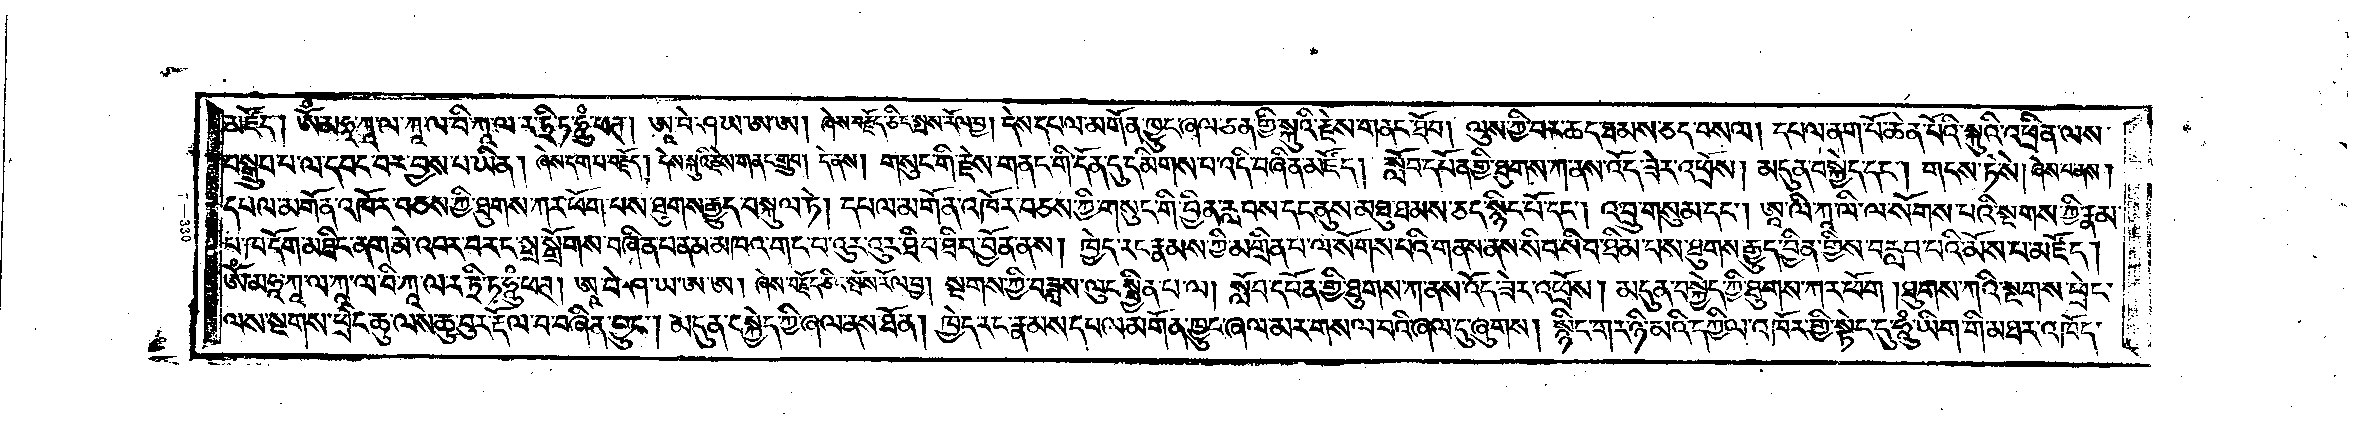མཛོད། ཨོཾ་མཧཱ་ཀཱ་ལ་ཀཱ་ལ་བི་ཀཱ་ལ་ར་ཏྲི་ཏ་ཧཱུཾ་ཕཊ། ཨཱ་བེ་ཤ་ཡ་ཨ་ཨ། ཞེས་བརྗོད་ཅིང་སྤོས་རོལ་བྱ།  དེས་དཔལ་མགོན་ཁྱུང་ཞལ་ཅན་གྱི་སྐུའི་རྗེས་གནང་ཐོབ། ལུས་ཀྱི་བར་ཆད་ཐམས་ཅད་བསལ། དཔལ་ནག་པོ་ཆེན་པོའི་སྐུའི་འཕྲིན་ལས་
བསྒྲུབ་པ་ལ་དབང་བར་བྱས་པ་ཡིན། ཞེས་དག་པ་བརྗོད། དེས་སྐུའི་རྗེས་གནང་གྲུབ། དེ་ནས།  གསུང་གི་རྗེས་གནང་གི་དོན་དུ་དམིགས་པ་འདི་བཞིན་མཛོད། སློབ་དཔོན་གྱི་ཐུགས་ཀ་ནས་འོད་ཟེར་འཕྲོས། མདུན་བསྐྱེད་དང་། གངས་ཏེ་སེ། ཞེས་པ་ནས།
དཔལ་མགོན་འཁོར་བཅས་ཀྱི་ཐུགས་ཀར་ཕོག་པས་ཐུགས་རྒྱུད་བསྐུལ་ཏེ། དཔལ་མགོན་འཁོར་བཅས་ཀྱི་གསུང་གི་བྱིན་རླབས་དང་ནུས་མཐུ་ཐམས་ཅད་སྙིང་པོ་དང་། འབྲུ་གསུམ་དང་། ཨཱ་ལི་ཀཱ་ལི་ལ་སོགས་པའི་སྔགས་ཀྱི་རྣམ་
པ་ཁ་དོག་མཐིང་ནག་མེ་འབར་བ་རང་སྒྲ་སྒྲོགས་བཞིན་པ་ནམ་མཁའ་གང་བ་འུར་འུར་ཐིབ་ཐིབ་བྱོན་ནས། ཁྱེད་རང་རྣམས་ཀྱི་མགྲིན་པ་ལ་སོགས་པའི་གནས་ནས་སིབ་སིབ་ཐིམ་པས་ཐུགས་རྒྱུད་བྱིན་གྱིས་བརླབ་པའི་མོས་པ་མཛོད།
ཨོཾ་མཧཱ་ཀཱ་ལ་ཀཱ་ལ་བི་ཀཱ་ལ་ར་ཏྲི་ཏ་ཧཱུཾ་ཕཊ། ཨཱ་བེ་ཤ་ཡ་ཨ་ཨ། ཞེས་བརྗོད་ཅིང་སྤོས་རོལ་བྱ།  སྔགས་ཀྱི་བཟླས་ལུང་སྦྱིན་པ་ལ། སློབ་དཔོན་གྱི་ཐུགས་ཀ་ནས་འོད་ཟེར་འཕྲོས། མདུན་བསྐྱེད་ཀྱི་ཐུགས་ཀར་ཕོག །ཐུགས་ཀའི་སྔགས་ཕྲེང་
ལས་སྔགས་ཕྲེང་ཆུ་ལས་ཆུ་བུར་རྡོལ་བ་བཞིན་བྱུང་། མདུན་བསྐྱེད་ཀྱི་ཞལ་ནས་ཐོན། ཁྱེད་རང་རྣམས་དཔལ་མགོན་ཁྱུང་ཞལ་མར་གསལ་བའི་ཞལ་དུ་ཞུགས། སྙིང་གར་ཉི་མའི་དཀྱིལ་འཁོར་གྱི་སྟེང་དུ་ཧཱུཾ་ཡིག་གི་མཐར་འཁོ་